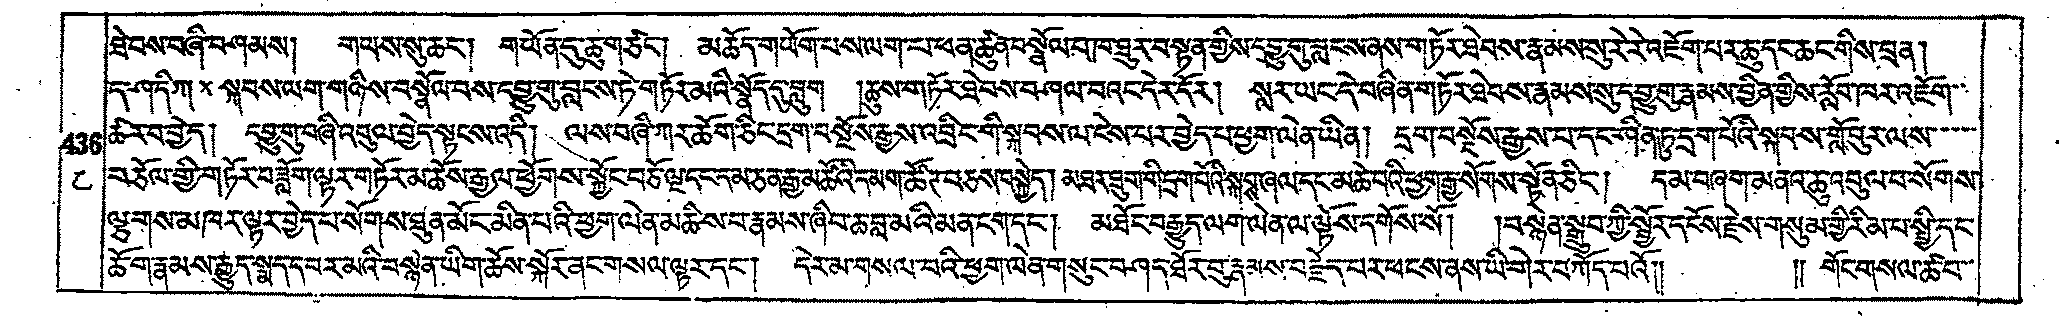ཐེབས་བཞི་བཤམས། གཡས་སུ་ཆང་། གཡོན་དུ་ཆུ་གཙང་། མཆོད་གཡོག་པས་ལག་པ་ཕན་ཚུན་བསྣོལ་བ་ཁ་ཐུར་བསྟན་གྱིས་དབྱུ་གུ་བླངས་ནས་གཏོར་ཐེབས་རྣམས་སུ་རེ་རེ་འཇོག་པར་ཆུ་དང་ཆང་གིས་བྲན།
ད་ཤ་དིཀ་྾་སྐབས་ལག་གཉིས་བསྣོལ་བས་དབྱུ་གུ་བླངས་ཏེ་གཏོར་མའི་སྣོད་དུ་བླུག །ཆུས་གཏོར་ཐེབས་བཤལ་བའང་དེར་དོར། སླར་ཡང་དེ་བཞིན་གཏོར་ཐེབས་རྣམས་སུ་དབྱུ་གུ་རྣམས་བྱིན་གྱིས་རློབ་ཁར་འཇོག་་་
ཚར་བ་བྱེད། དབྱུ་གུ་བཞི་འབུལ་བྱེད་སྟངས་འདི། ལས་བཞི་ཀར་ཆོག་ཅིང་དྲག་བསྔོས་རྒྱས་འབྲིང་གི་སྐབས་ལ་ངེས་པར་བྱེད་པ་ཕྱག་ལེན་ཡིན། དྲག་བསྔོས་རྒྱས་པ་དང་ཤིན་ཏུ་དྲག་པོའི་སྐབས་གློ་བུར་ལས་་་
བཅོལ་གྱི་གཏོར་བཟློག་ལྟར་གཏོར་མ་ཆོས་རྒྱལ་ཕྱོགས་སྐྱོང་བཅོ་ལྔ་དང་དམ་ཅན་རྒྱ་མཚོའི་དམག་ཚོཌ་བཅས་བསྐྱེད། མཐར་ཐུག་གི་དྲག་པོའི་སྐབས་ཞལ་དང་མཆེ་བའི་ཕྱག་རྒྱ་སོགས་སྟོན་ཅིང་། དམ་བཞག་མནའ་ཆུ་འབུལ་བ་སོགས་
ལྕགས་མཁར་ལྟར་བྱེད་པ་སོགས་ཐུན་མོང་མིན་པའི་ཕྱག་ལེན་མཆིས་པ་རྣམས་ཞིབ་ཆ་བླ་མའི་མན་ངག་དང་། མཐོང་བརྒྱུད་ལག་ལེན་ལ་ལྟོས་དགོས་སོ། །བསྙེན་སྒྲུབ་ཀྱི་སྦྱོར་དངོས་རྗེས་གསུམ་གྱི་རིམ་པ་སྤྱི་དང་
ཆོ་ག་རྣམས་རྒྱུད་སྨད་དཔར་མའི་བསྙེན་ཡིག་ཆོས་སྐོར་ནང་གསལ་ལྟར་དང་། དེར་མ་གསལ་བའི་ཕྱག་ལེན་གསུང་བཤད་ཐོར་བུ་རྣམས་བརྗེད་པར་ཕངས་ནས་ཡི་གེར་བཀོད་པའོ།། །།གོང་གསལ་ཚ་བ་་་